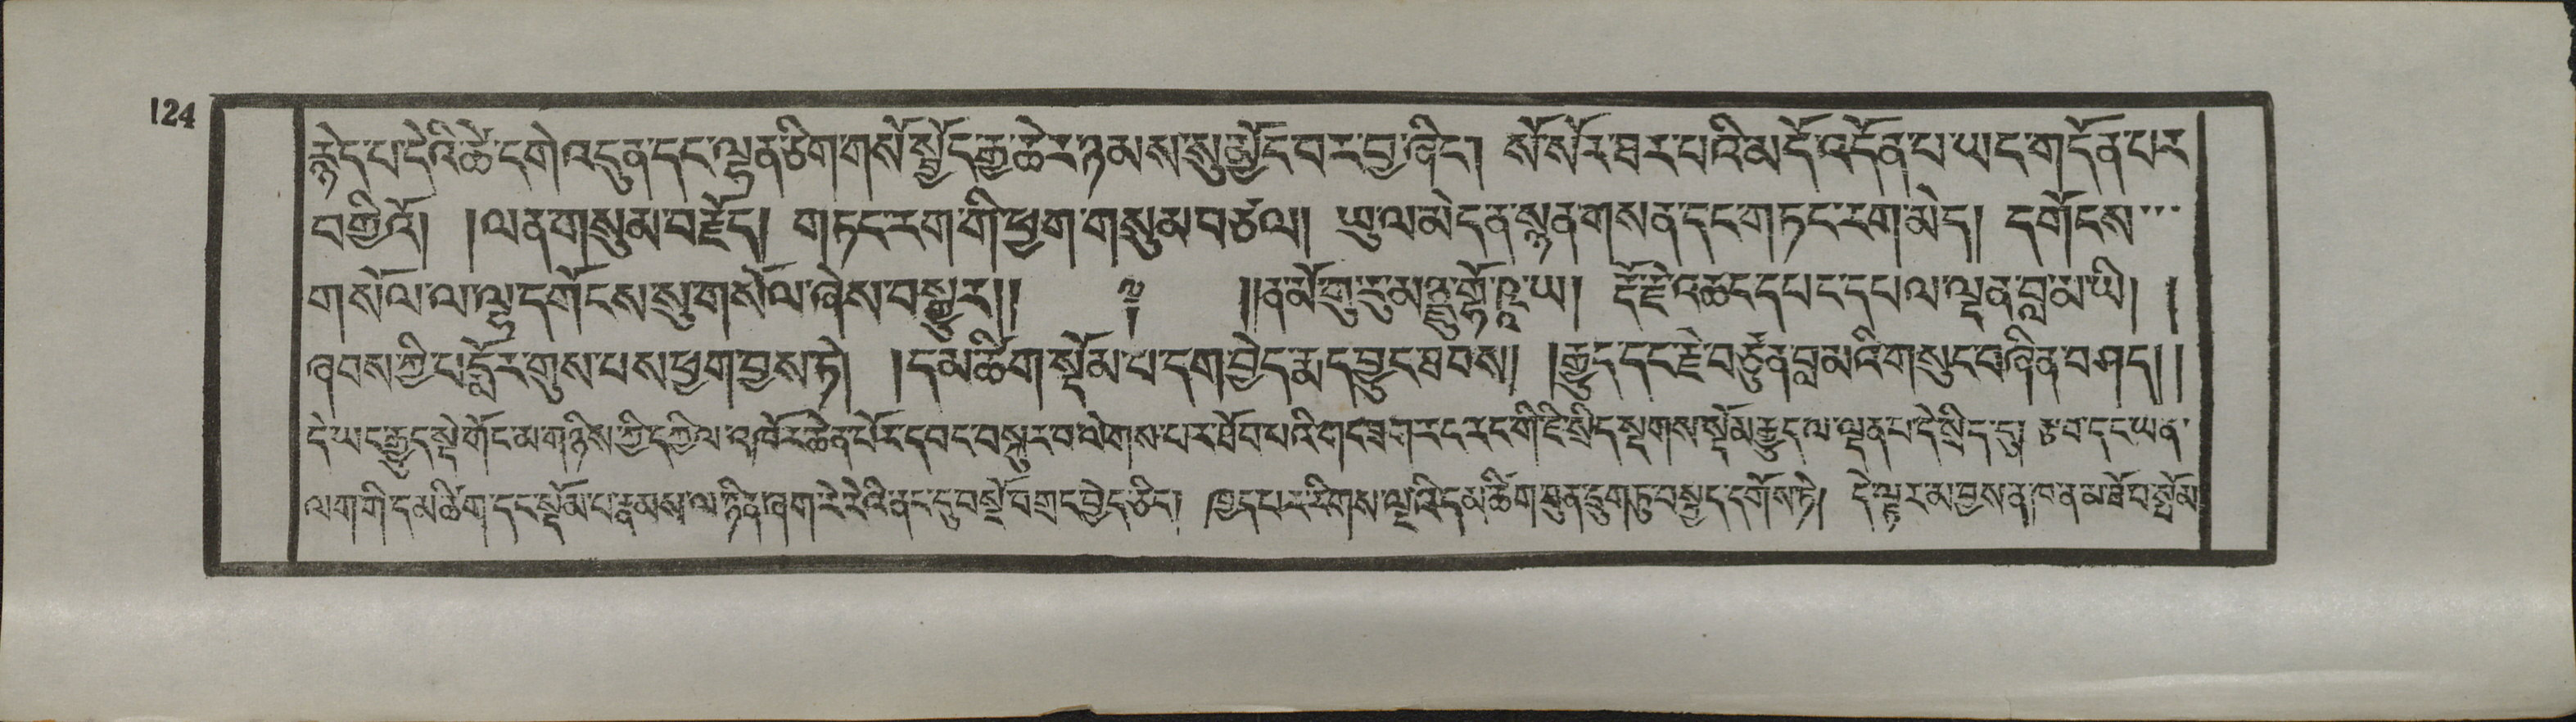རྙེད་པ་དེའི་ཚེ་དགེ་འདུན་དང་ལྷན་ཅིག་གསོ་སྦྱོང་རྒྱ་ཆེར་ཉམས་སུ་མྱོང་བར་བྱ་ཞིང་། སོ་སོར་ཐར་པའི་མདོ་འདོན་པ་ཡང་གདོན་པར་
བགྱིའོ། །ལན་གསུམ་བརྗོད། གཏང་རག་གི་ཕྱག་གསུམ་བཙལ། ཡུ་ལ་མེད་ན་སྙན་གསན་དང་གཏང་རག་མེད། དགོངས་
གསོལ་ལ་ལྷ་དགོངས་སུ་གསོལ་ཞེས་བསྒྱུར།། ༈ །།ན་མོ་གུ་རུ་མཉྫུ་གྷོ་ཥཱ་ཡ། རྡོ་རྗེ་འཆང་དཔང་དཔལ་ལྡན་བླ་མ་ཡི། །
ཞབས་ཀྱི་པདམོར་གུས་པས་ཕྱག་བྱས་ཏེ། །དམ་ཚིག་སྡོམ་པ་དག་བྱེད་རྨད་བྱུང་ཐབས། །རྒྱུད་དང་རྗེ་བཙུན་བླ་མའི་གསུང་བཞིན་བཤད།།
དེ་ཡང་རྒྱུད་སྡེ་གོང་མ་གཉིས་ཀྱི་དཀྱིལ་འཁོར་ཆེན་པོར་དབང་བསྐུར་བ་ལེགས་པར་ཐོབ་པའི་གང་ཟག་རང་རང་གི་ཇི་སྲིད་སྔགས་སྡོམ་རྒྱུད་ལ་ལྡན་པ་དེ་སྲིད་དུ། རྩ་བ་དང་ཡན་
ལག་གི་དམ་ཚིག་དང་སྡོམ་པ་རྣམས་ལ་ཉིན་ཞག་རེ་རེའི་ནང་དུ་བསྔོ་བགྲང་བྱེད་ཅིང་། ཁྱད་པར་རིགས་ལྔའི་དམ་ཚིག་ཐུན་དྲུག་ཏུ་བསྐྱད་དགོས་ཏེ། དེ་ལྟར་མ་བྱས་ན་ཁ་ན་མཐོ་བ་སྦོམ་